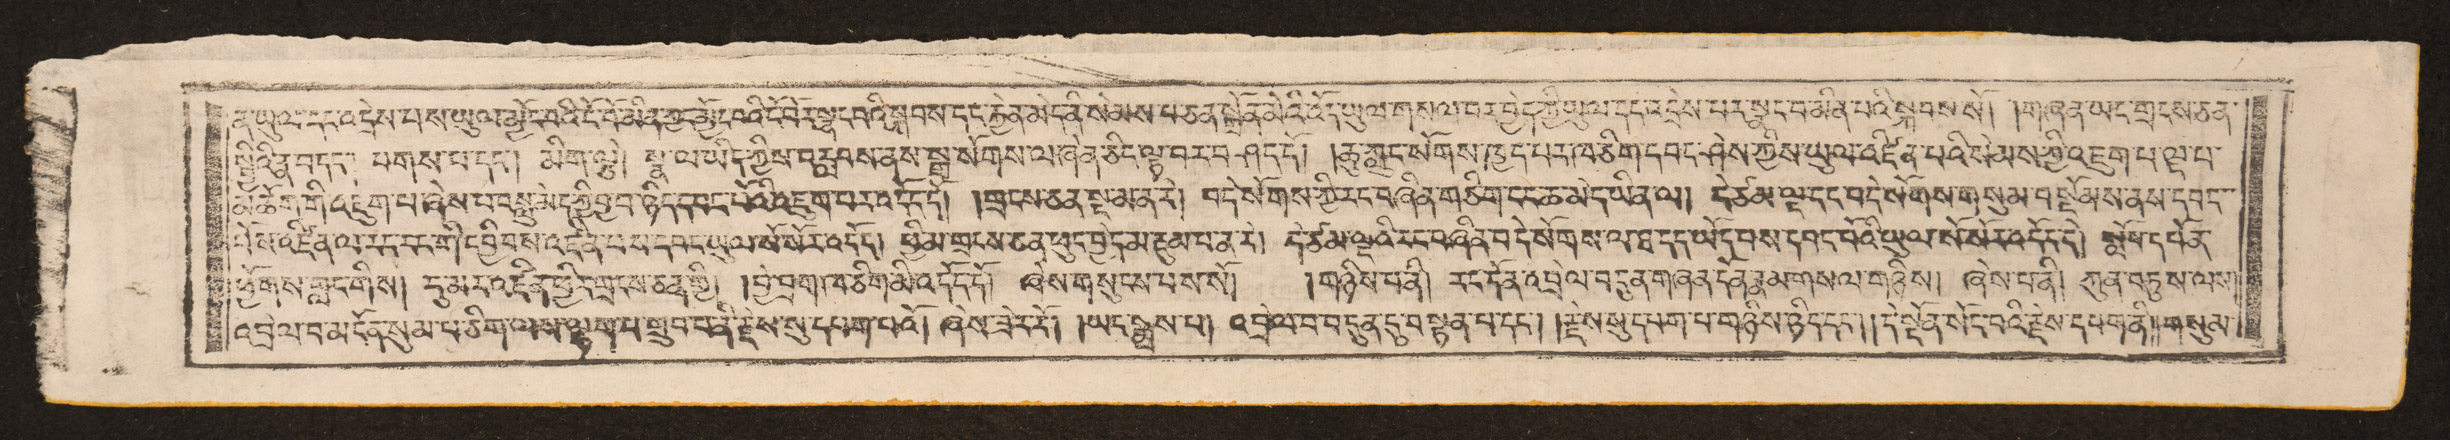ན་ཡུལ་དང་འདྲེས་པས་ཡུལ་མྱོང་བའི་ངོ་བོ་མིན་ཀྱང་མྱོང་བའི་ངོ་བོར་སྣང་བའི་སྐབས་དང་རྐྱེན་མེད་ནི་སེམས་པ་ཅན་སྒྲོན་མེའི་འོད་ཡུལ་གསལ་བར་བྱེད་ཀྱི་ཡུལ་དང་འདྲེས་པར་སྣང་བ་མིན་པའི་སྐབས་སོ། །གཞན་ཡང་གྲངས་ཅན་
སྤྱིའི་རྣ་བ་དང་། པགས་པ་དང་། མིག་ལྕེ། སྣ་ལ་ཡིད་ཀྱིས་བརླབས་ནས་སྒྲ་སོགས་ལ་ཞེན་ཅིང་ལྟ་བར་བཤད་དོ། །ཆུ་ཀླུང་སོགས་ཁྱད་པར་ཁ་ཅིག་དབང་ཤེས་ཀྱིས་ཡུལ་འཛིན་པའི་སེམས་ཀྱི་འཇུག་པ་ལྔ་པ་
མཆོག་གི་འཇུག་པ་ཞེས་པ་བསླུ་མེད་ཀྱི་བྱ་བ་ཉིད་དབང་པོའི་འཇུག་པར་འདོད་དོ། །གྲངས་ཅན་སྔ་མ་ན་རེ། བདེ་སོགས་ཀྱི་རང་བཞིན་གཅིག་དང་ཆ་མེད་ཡིན་ལ། དེ་ཙམ་ལྔ་དང་བདེ་སོགས་གསུམ་བསྡོམས་ནས་དབང་
པོས་འཛིན་ལ་རང་རང་གི་དབྱིབས་འཛིན་པས་དབང་ཡུལ་སོ་སོར་འདོད། ཕྱི་མ་གྲངས་ཅན་ཕུང་བྱེད་མ་རྡུམ་པ་ན་རེ། དེ་ཙམ་ལྔའི་རང་བཞིན་བདེ་སོགས་ལ་ཐ་དད་ཡོད་པས་དབང་པོའི་ཡུལ་སོ་སོར་འདོད་དེ། སློབ་དཔོན་
ཕྱོགས་གླང་གིས། དུ་མར་འཛིན་ཕྱིར་གྲངས་ཅན་གྱི། །བྱེ་བྲག་ཁ་ཅིག་མི་འདོད་དོ། ཞེས་གསུངས་བས་སོ། །གཉིས་པ་ནི། རང་དོན་འབྲེལ་བདུན་གཞན་དོན་རྣམ་གསལ་གཉིས། ཞེས་པ་ནི། ཀུན་བཏུས་ལས་
འབྲེལ་བ་མངོན་སུམ་པ་ཅིག་ལས་ལྷག་པ་གྲུབ་པ་ནི་རྗེས་སུ་དཔག་པའོ། ཞེས་ཟེར་རོ། །ཡང་སྨྲས་པ། འབྲེལ་བ་བདུན་དུ་བསྟན་པ་དང་། །རྗེས་སུ་དཔག་པ་གཉིས་ཉིད་དང་། །དེ་སྔོན་སོང་བའི་རྗེས་དཔག་ནི། །གསུམ་